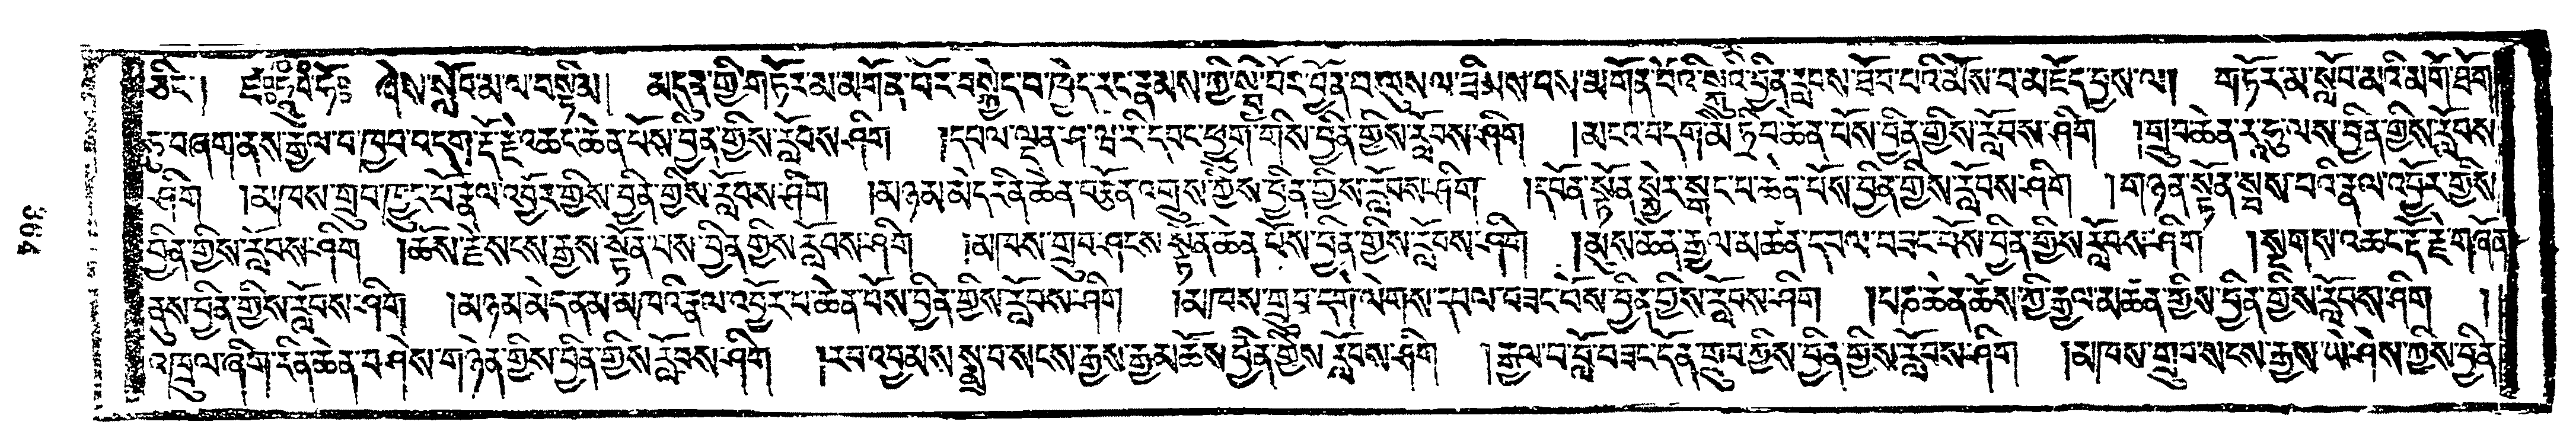ཅིང་། ཛཿ ཧཱུཾ་བཾ་ཧོཿ ཞེས་སློབ་མ་ལ་བསྟིམ། མདུན་གྱི་གཏོར་མ་མགོན་པོར་བསྐྱེད་པ་ཁྱེད་རང་རྣམས་ཀྱི་སྤྱི་བོར་བྱོན་བ་ལུས་ལ་ཟིམས་བས་མགོན་པོའི་སྐུའི་བྱིན་རླབས་ཐོབ་པའི་མོས་པ་མཛོད་བྱས་ལ། གཏོར་མ་སློབ་མའི་མགོ་ཐོག།
ཏུ་བཞག་ནས་རྒྱལ་པ་ཁྱབ་བདག་རྡོ་རྗེ་འཆང་ཆེན་པོས་བྱིན་གྱིས་རློབས་ཤིག །དཔལ་ལྡན་ཤ་ཝ་རི་དབང་ཕྱུག་གིས་བྱིན་གྱིས་རློབས་ཤིག །མངའ་བདག་མཻ་ཏྲི་བ་ཆེན་པོས་བྱིན་གྱིས་རློབས་ཤིག །གྲུབ་ཆེན་རཱ་ཧུ་ལས་བྱིན་གྱིས་རློབས་
ཤིག །མཁས་གྲུབ་ཁྱུང་པོ་རྣལ་འབྱོར་གྱིས་བྱིན་གྱིས་རློབས་ཤིག །མཉམ་མེད་རིན་ཆེན་བརྩོན་འགྲུས་ཀྱིས་བྱིན་གྱིས་རློབས་ཤིག །དཔོན་སྟོན་སྐྱེར་སྒང་པ་ཆེན་པོས་བྱིན་གྱིས་རློབས་ཤིག །གཉན་སྟོན་སྤས་པའི་རྣལ་འབྱོར་གྱིས་
བྱིན་གྱིས་རློབས་ཤིག །ཆོས་རྗེ་སངས་རྒྱས་སྟོན་པས་བྱིན་གྱིས་རློབས་ཤིག །མཁས་གྲུབ་ཤངས་སྟོན་ཆེན་པོས་བྱིན་གྱིས་རློབས་ཤིག །མུས་ཆེན་རྒྱལ་མཚན་དཔལ་བཟང་བོས་བྱིན་གྱིས་རློབས་ཤིག །སྔགས་འཆང་རྡོ་རྗེ་གཞོན་
ནུས་བྱིན་གྱིས་རློབས་ཤིག །མཉམ་མེད་ནམ་མཁའི་རྣལ་འབྱོར་པ་ཆེན་པོས་བྱིན་གྱིས་རློབས་ཤིག །མཁས་གྲུབ་དགེ་ལེགས་དཔལ་བཟང་པོས་བྱིན་གྱིས་རློབས་ཤིག །པཎ་ཆེན་ཆོས་ཀྱི་རྒྱལ་མཚན་གྱིས་བྱིན་གྱིས་རློབས་ཤིག །
འཁྲུལ་ཞིག་རིན་ཆེན་བཤེས་གཉེན་གྱིས་བྱིན་གྱིས་རློབས་ཤིག །རབ་འབྱམས་སྨྲ་བ་སངས་རྒྱས་རྒྱ་མཚོས་བྱིན་གྱིས་རློབས་ཤིག །རྒྱལ་བ་བློ་བཟང་དོན་གྲུབ་ཀྱིས་བྱིན་གྱིས་རློབས་ཤིག། །མཁས་གྲུབ་སངས་རྒྱས་ཡེ་ཤེས་ཀྱིས་བྱིན་